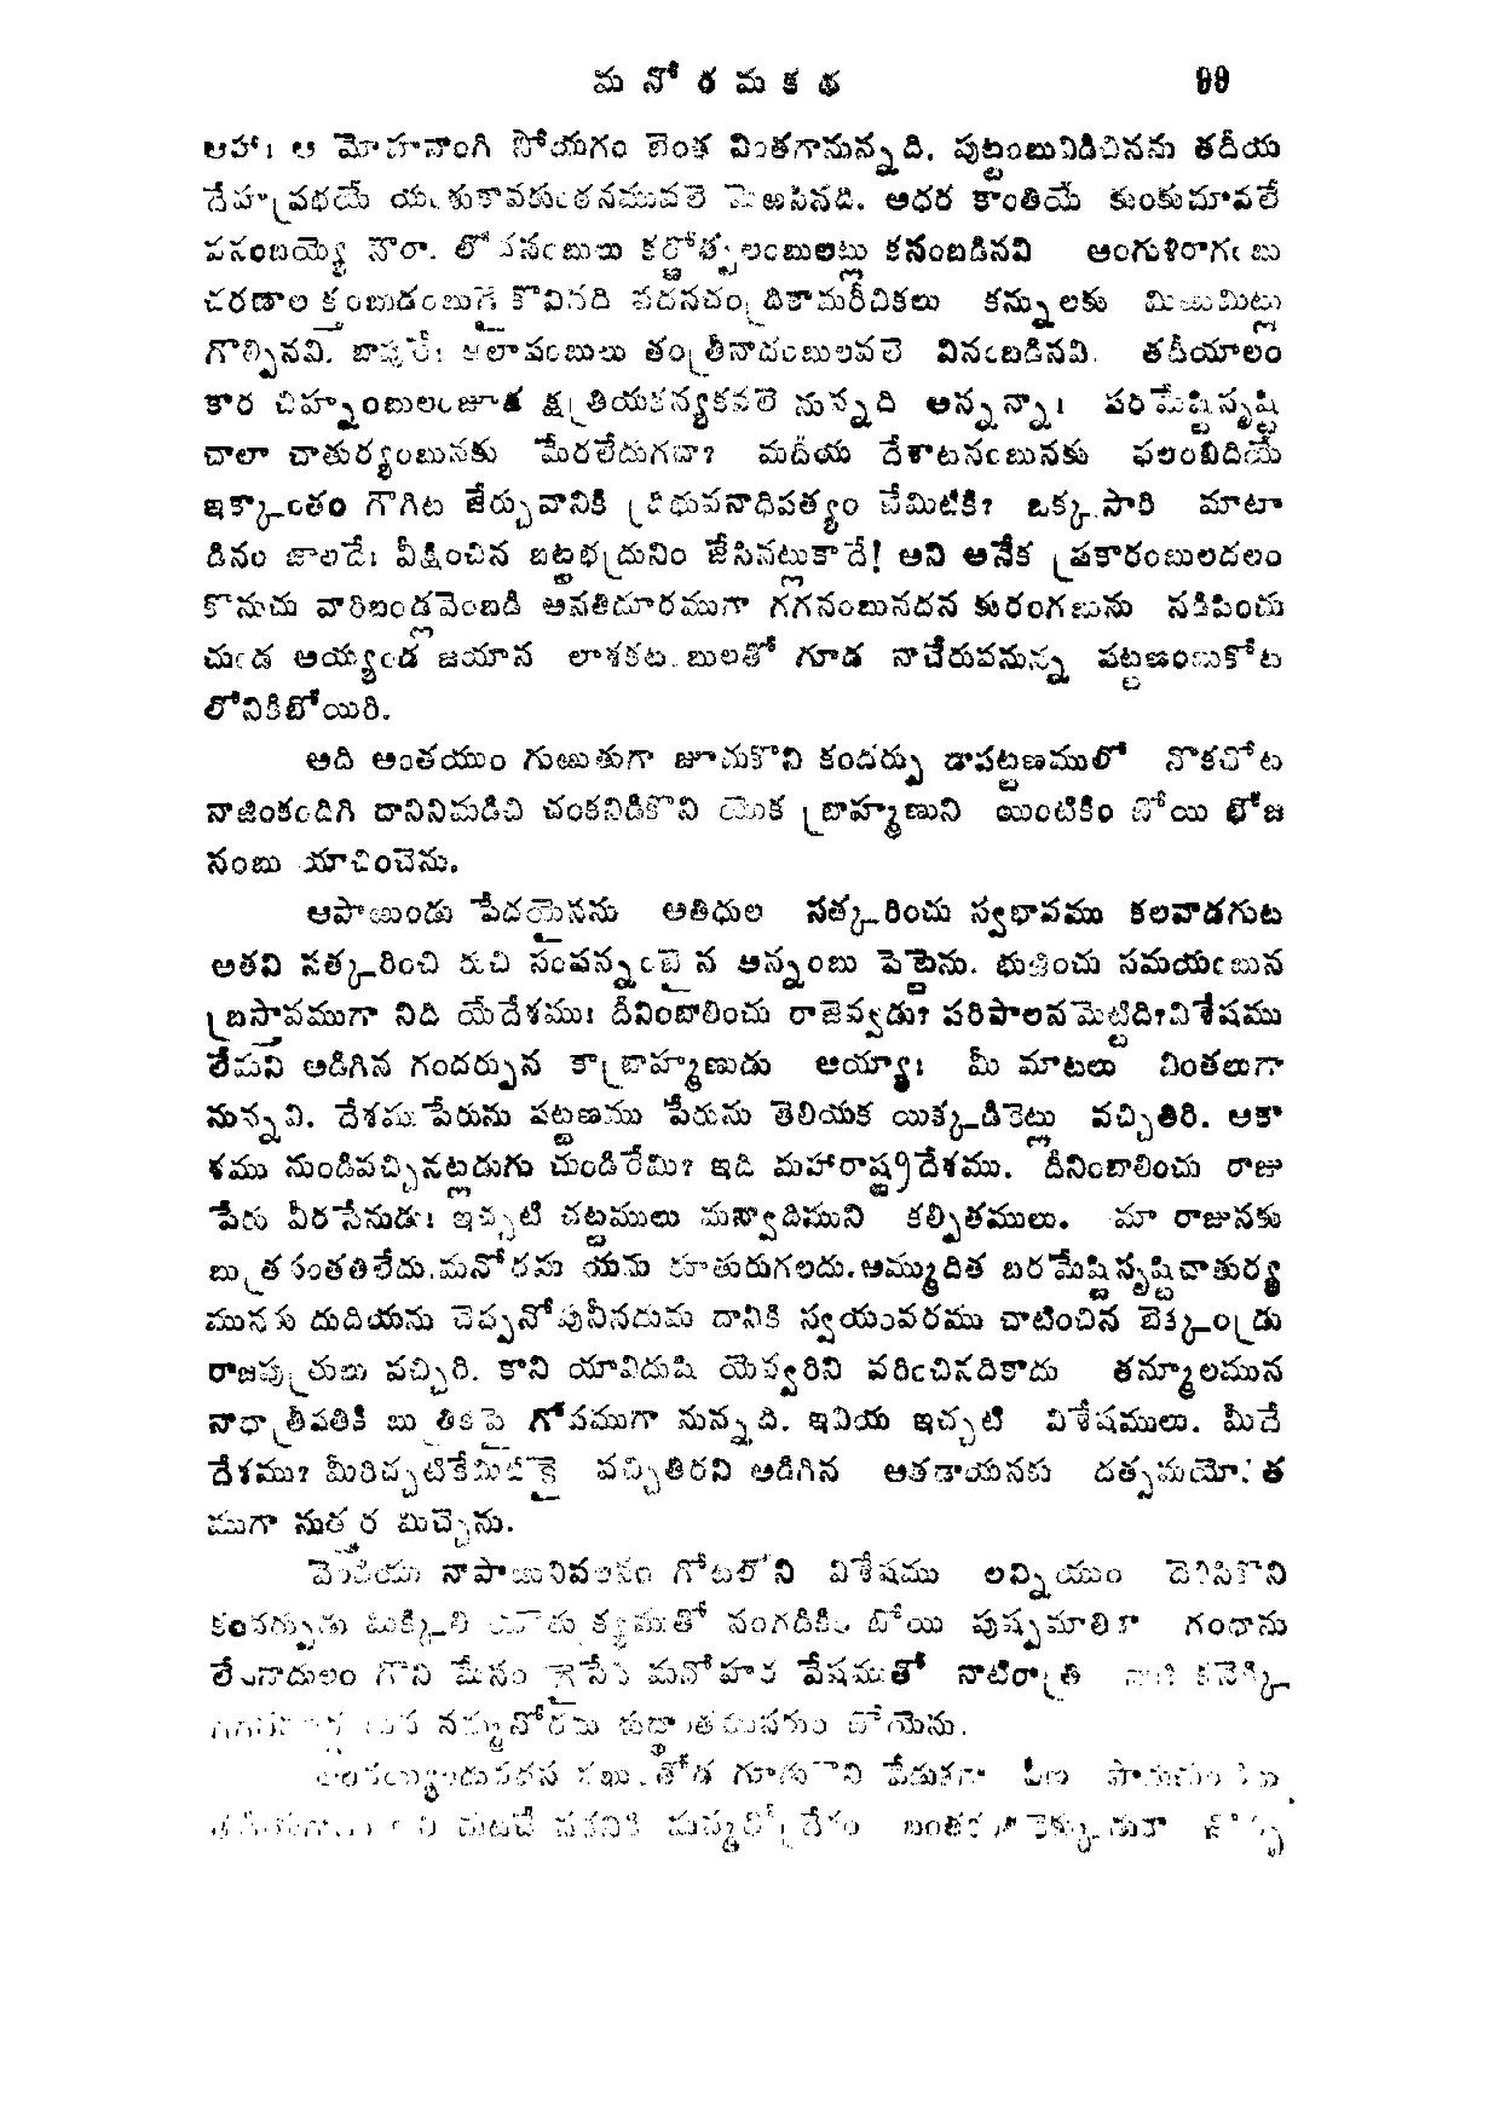ఆహా ! ఆ మోహనాంగి సోయగం బెంత వింతగానున్నది. పుట్టంబు విడిచినను తదీయ దేహప్రభయే యంశుకావకుంఠనమువలె మెఱసినది. అధరకాంతియే కుంకుమావలేపనంబయ్యె నౌరా. లోచనంబులు కర్ణోత్పలంబులట్లు కనంబడినవి అంగుళిరాగంబు చరణాలిక్తంబుడంబు గైకొనినది వదనచంద్రికామరీచికలు కన్నులకు మిఱుమిట్లు గొల్పినవి. బాపురే! ఆలాపంబులు తంత్రీనాదంబులవలె వినఁబడినవి. తదీయాలంకారచిహ్నంబులంజూడ క్షత్రియకన్యకవలె నున్నది అన్నన్నా! పరమేష్టిసృష్టి చాలా చాతుర్యంబునకు మేరలేదుగదా? మదీయ దేశాటనంబునకు ఫలంబిదియే ఇక్కాంతం గౌగిట జేర్చువానికి ద్రిభువనాధిపత్యం బేమిటికి? ఒక్కసారి మాటాడినం జాలదే! వీక్షించిన బట్టభద్రునిం జేసినట్లుకాదే! అని అనేక ప్రకారంబులదలం కొనుచు వారిబండ్ల వెంబడి అనతిదూరముగా గగనంబున దన కురంగంబును నడిపించుచుండ ఆయ్యండజయాన లాశకటంబులతో గూడ నాచేరువనున్న పట్టణంబు కోటలోనికి బోయిరి.

అది అంతయుం గుఱుతుగా జూచుకొని కందర్పు డాపట్టణములో నొకచోట నాజింకందిగి దానినిమడిచి చంక నిడికొని యొక బ్రాహ్మణుని యింటికిం బోయి భోజనంబు యాచించెను.

ఆపాఱుండు పేదయైనను అతిథుల సత్కరించు స్వభావము కలవాడగుట అతని సత్కరించి రుచి సంపన్నంబైన అన్నంబు పెట్టెను. భుజించు సమయంబున బ్రస్తావముగా నిది యేదేశము! దీనింబాలించు రాజెవ్వడు? పరిపాలన మెట్టిది? విశేషము లేమని అడిగిన గందర్పున కాబ్రాహ్మణుడు అయ్యా! మీ మాటలు వింతలుగా నున్నవి. దేశము పేరును పట్టణము పేరును తెలియక యిక్కడికెట్లు వచ్చితిరి. ఆకాశము నుండివచ్చినట్లడుగు చుండిరేమి? ఇది మహారాష్ట్రదేశము. దీనింబాలించు రాజు
పేరు వీరసేనుడు! ఇచ్చటి చట్టములు మన్వాదిముని కల్పితములు. మా రాజునకు బుత్రసంతతిలేదు. మనోరమ యను కూతురుగలదు. అమ్ముదిత బరమేష్టిసృష్టిచాతుర్యమునకు దుదియను చెప్పనోపు నీనడుమ దానికి స్వయంవరము చాటించిన బెక్కండ్రు రాజపుత్రులు వచ్చిరి. కాని యావిదుషి యెవ్వరిని వరించినదికాదు తన్మూలమున నాధాత్రీపతికి బుత్రికపై గోపముగా నున్నది. ఇవియ ఇచ్చటి విశేషములు. మీదే దేశము? మీరిచ్చటికేమిటికై వచ్చితిరని అడిగిన ఆతడాయనకు దత్సమయోచితముగా నుత్తర మిచ్చెను.

వెండియు నాపాఱునివలనం గోటలోని విశేషము లన్నియుం దెలిసికొని కందర్పుడు మిక్కిలి యౌత్సుక్యముతో నంగడికిం బోయి పుష్పమాలికాగంధాను లేపనాదులం గొని మేనం గైసేసి మనోహరవేషముతో నాటిరాత్రి నాజింకనెక్కి గగనమార్గంబున నమ్మనోరమ శుద్ధాంతమునకుం బోయెను.

అల నయ్యిందువదన సఖులతోడ గూడుకొని వేడుకగా వీణ పాడుచుండెను. తదీయగానము ఆలకించుటచే నతనికి మన్మథోద్రేకం బంతకంత కెక్కుడు కాజొచ్చి